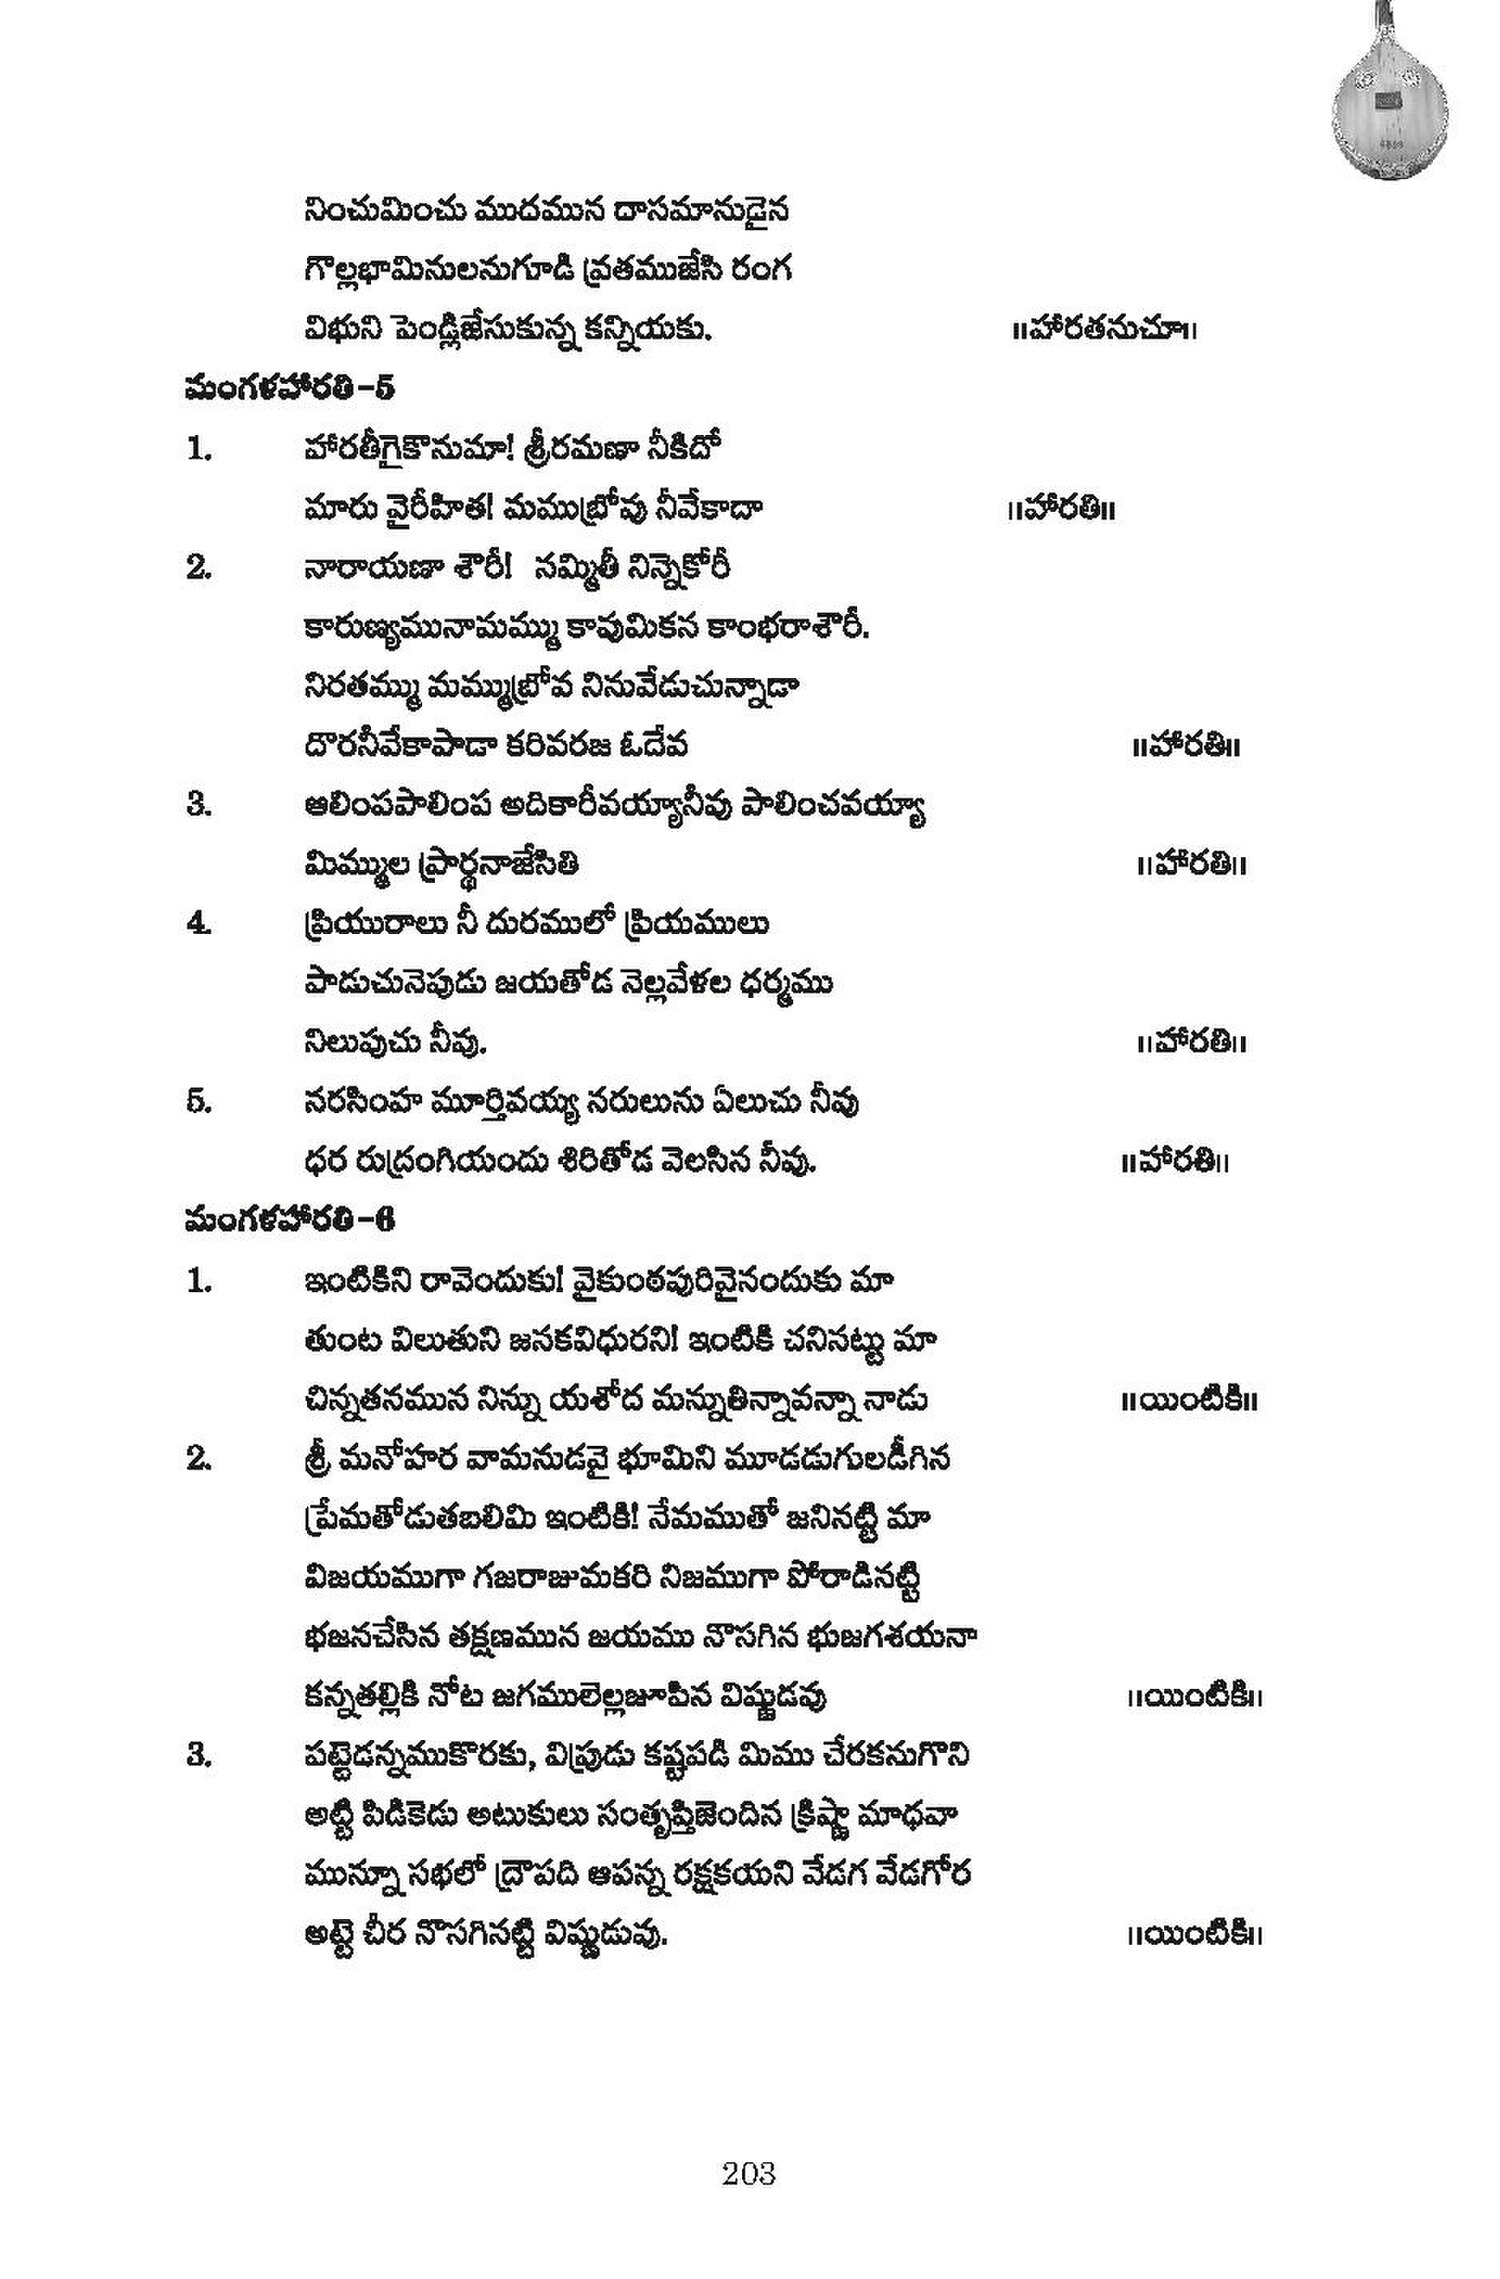నించుమించు ముదమున దాసమానుడైన
గొల్లభామినులనుగూడి వ్రతముజేసి రంగ
విభుని పెండ్లిజేసుకున్న కన్నియకు.॥హారతనుచూ॥

మంగళహారతి-5

1. హారతీగైకొనుమా! శ్రీరమణా నీకిదో
మారు వైరీహిత మము బ్రోవు నీవేకాదా ౹౹హారతి౹౹

2. నారాయణా శౌరీ! నమ్మితీ నిన్నెకోరీ
కారుణ్యమునామమ్ము కావుమికన కాంభరాశౌరీ.
నిరతమ్ము మమ్ముబ్రోవ నినువేడుచున్నాడా.
దొరనీవేకాపాడా కరివరజ ఓదేవ ౹౹హారతి౹౹

3. ఆలింపపాలింప అదికారీవయ్యానీవు పాలించవయ్యా
మిమ్ముల ప్రార్థనాజేసితి౹౹హారతి౹౹

4. ప్రియురాలు నీ దురములో ప్రియములు
పాడుచునెపుడు జయతోడ నెల్లవేళల ధర్మము
నిలుపుచు నీవు.౹౹హారతి౹౹

5. నరసింహ మూర్తివయ్య నరులును ఏలుచు నీవు
ధర రుద్రంగియందు శిరితోడ వెలసిన నీవు.౹౹హారతి౹౹

మంగళహారతి-6
1. ఇంటికిని రావెందుకు! వైకుంఠపురివైనందుకు మా
తుంట విలుతుని జనకవిధురని! ఇంటికి చనినట్టు మా
చిన్నతనమున నిన్ను యశోద మన్నుతిన్నావన్నా నాడు౹౹యింటికి౹౹

2. శ్రీ మనోహర వామనుడవై భూమిని మూడడుగులడిగిన
ప్రేమతోడుతబలిమి ఇంటికి! నేమముతో జనీనట్టి మా
విజయముగా గజరాజుమకరి నిజముగా పోరాడినట్టి
భజనచేసిన తక్షణమున జయము నొసగిన భుజగశయనా
కన్నతల్లికి నోట జగములెల్లజూపిన విష్ణుడవు౹౹యింటికి౹౹

3. పట్టెడన్నముకొరకు, విప్రుడు కష్టపడి మిము చేరకనుగొని
అట్టి పిడికెడు అటుకులు సంతృప్తిజెందిన క్రిష్ణా మాధవా
మున్నూ సభలో ద్రౌపది ఆపన్న రక్షకయని వేడగ వేడగోర
అట్టె చీర నొసగినట్టి విష్ణుడువు.౹౹యింటికి౹౹
౹